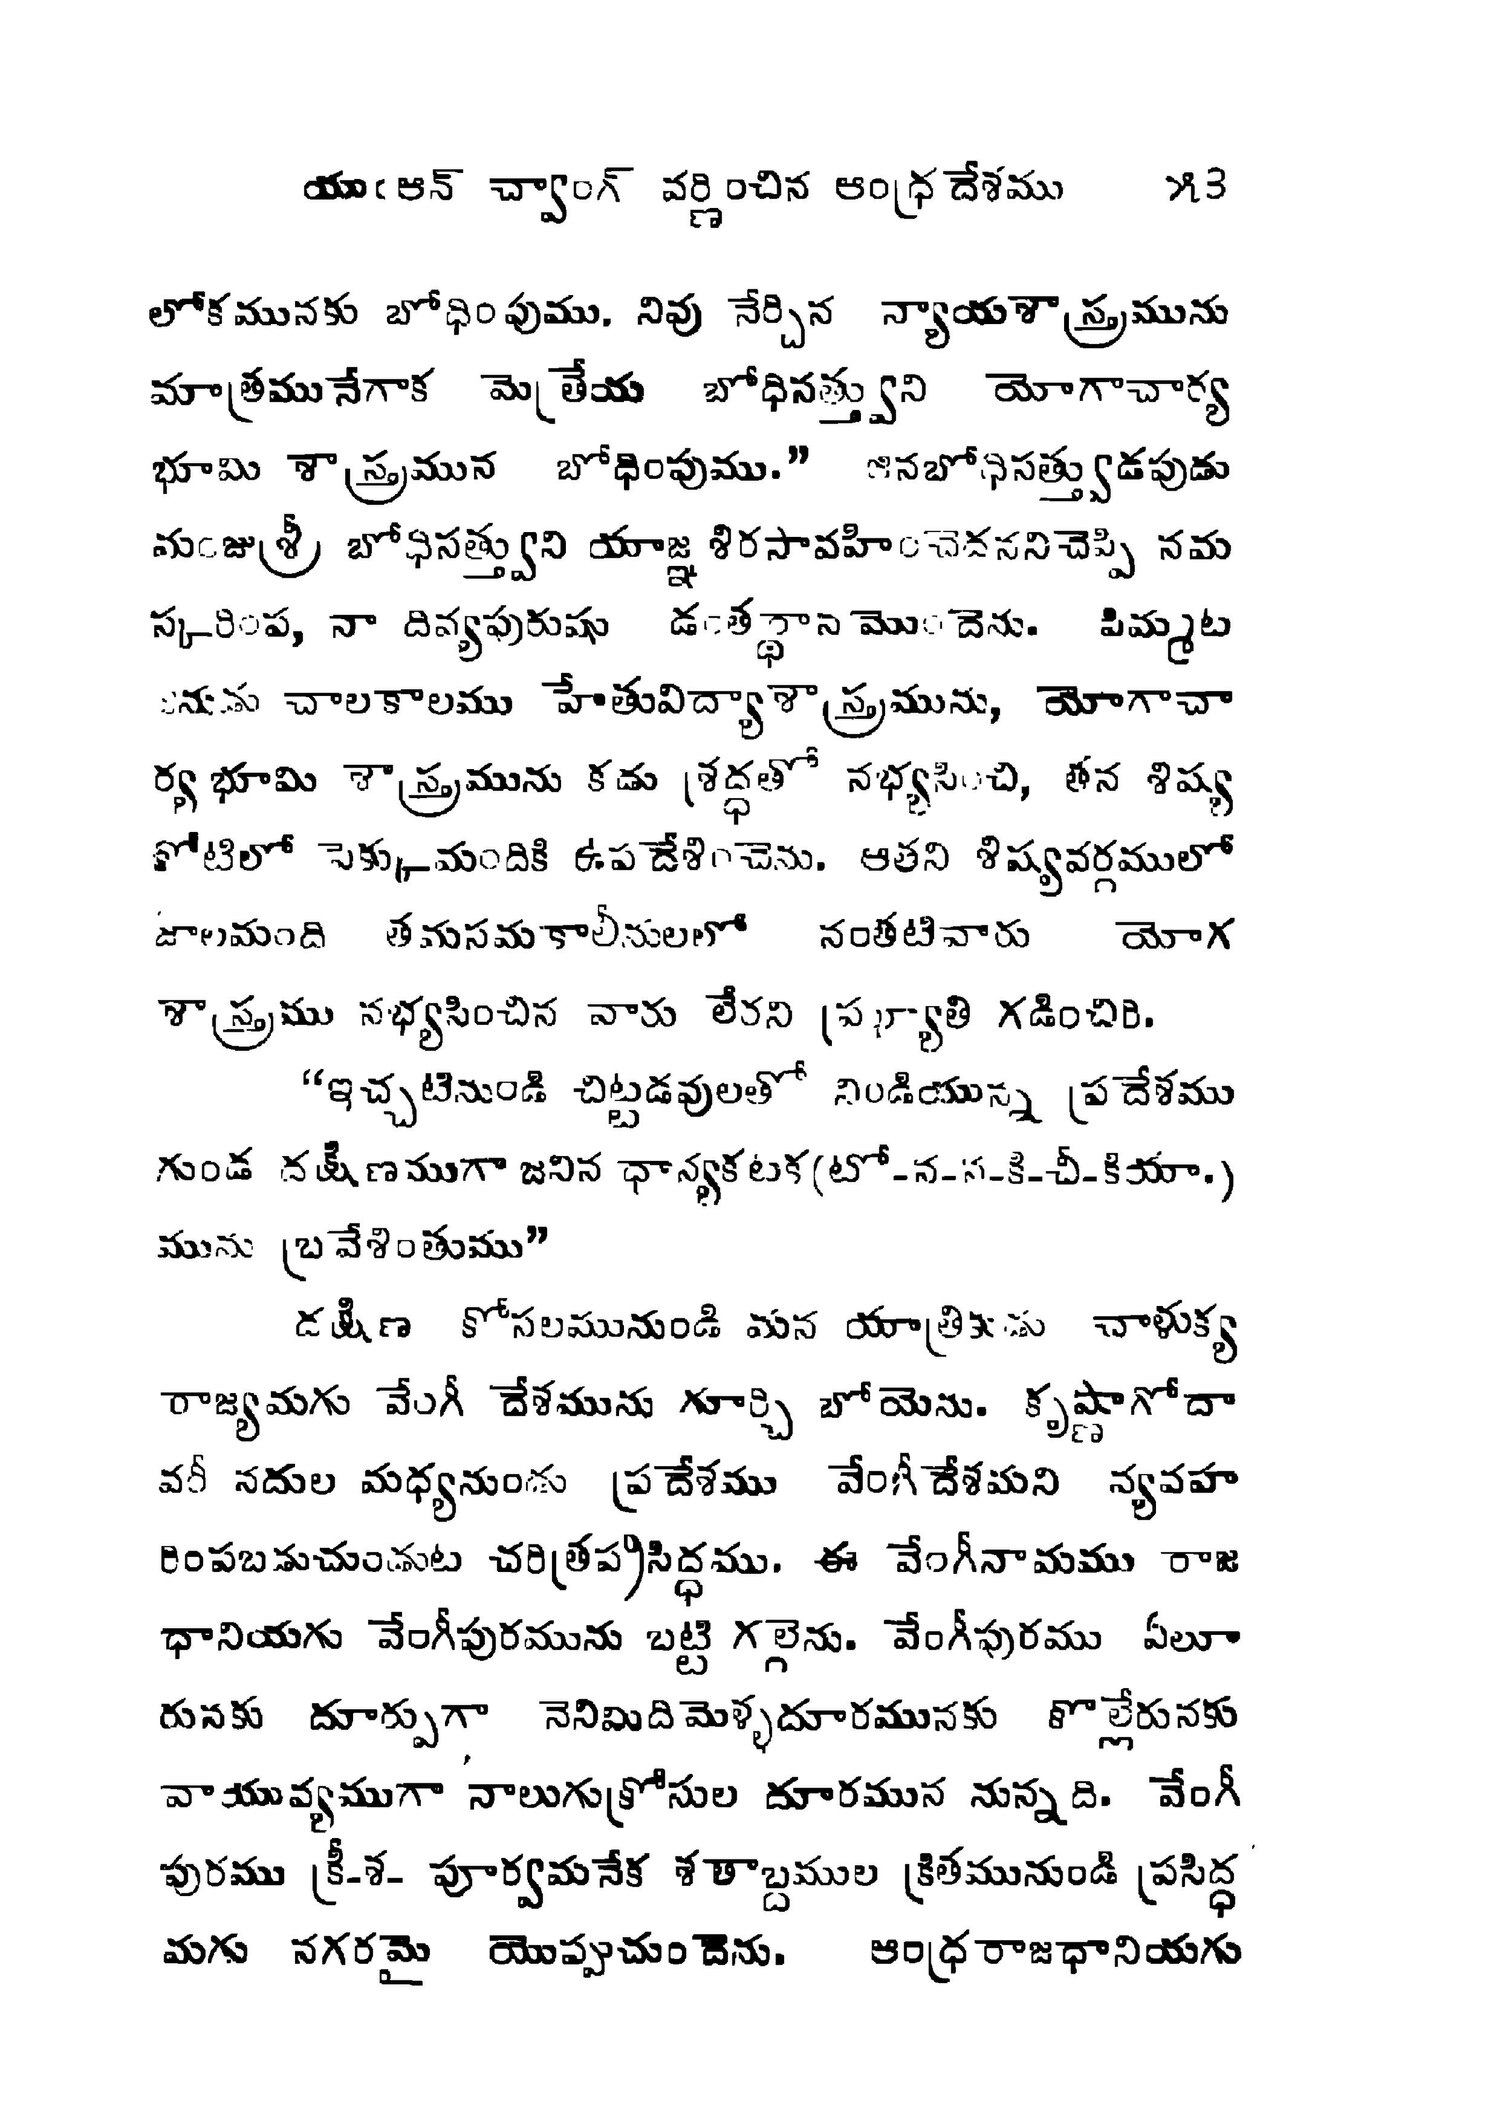లోకమునకు బోధింపుము. నివు నేర్చిన న్యాయశాస్త్రమును మాత్రమునేగాక మైత్రేయ బోధిసత్త్వుని యోగాచార్య భూమి శాస్త్రమున బోధింపుము." జినబోధిసత్త్వుడపుడు మంజుశ్రీ బోధిసత్త్వుని యాజ్ఞ శిరసావహించెదననిచెప్పి నమస్కరింప, నా దివ్యపురుషు డంతర్థానమొందెను. పిమ్మట జనుడు చాలకాలము హేతువిద్యాశాస్త్రమును, యోగాచార్యభూమి శాస్త్రమును కడు శ్రద్ధతో నభ్యసించి, తన శిష్యకోటిలో పెక్కుమందికి ఉపదేశించెను. ఆతని శిష్యవర్గములో జాలమంది తమసమకాలీనులలో నంతటివారు యోగశాస్త్రము నభ్యసించిన వారు లేరని ప్రఖ్యాతి గడించిరి.

"ఇచ్చటినుండి చిట్టడవులతో నిండియున్న ప్రదేశము గుండ దక్షిణముగా జనిన ధాన్యకటక (టో-న-స-కి-చీ-కియా.) మును బ్రవేశింతుము"

దక్షిణ కోసలమునుండి మన యాత్రికుడు చాళుక్య రాజ్యమగు వేంగీ దేశమును గూర్చి బోయెను. కృష్ణాగోదావరీ నదుల మధ్యనుండు ప్రదేశము వేంగీదేశమని వ్యవహరింపబడుచుండుట చరిత్రప్రసిద్ధము. ఈ వేంగీనామము రాజధానియగు వేంగీపురమును బట్టి గల్గెను. వేంగీపురము ఏలూరునకు దూర్పుగా నెనిమిదిమైళ్ళ దూరమునకు కొల్లేరునకు వాయువ్యముగా నాలుగుక్రోసుల దూరమున నున్నది. వేంగీపురము క్రీ.శ. పూర్వమనేక శతాబ్దముల క్రితమునుండి ప్రసిద్ధమగు నగరమై యొప్పుచుండెను. ఆంధ్రరాజధానియగు